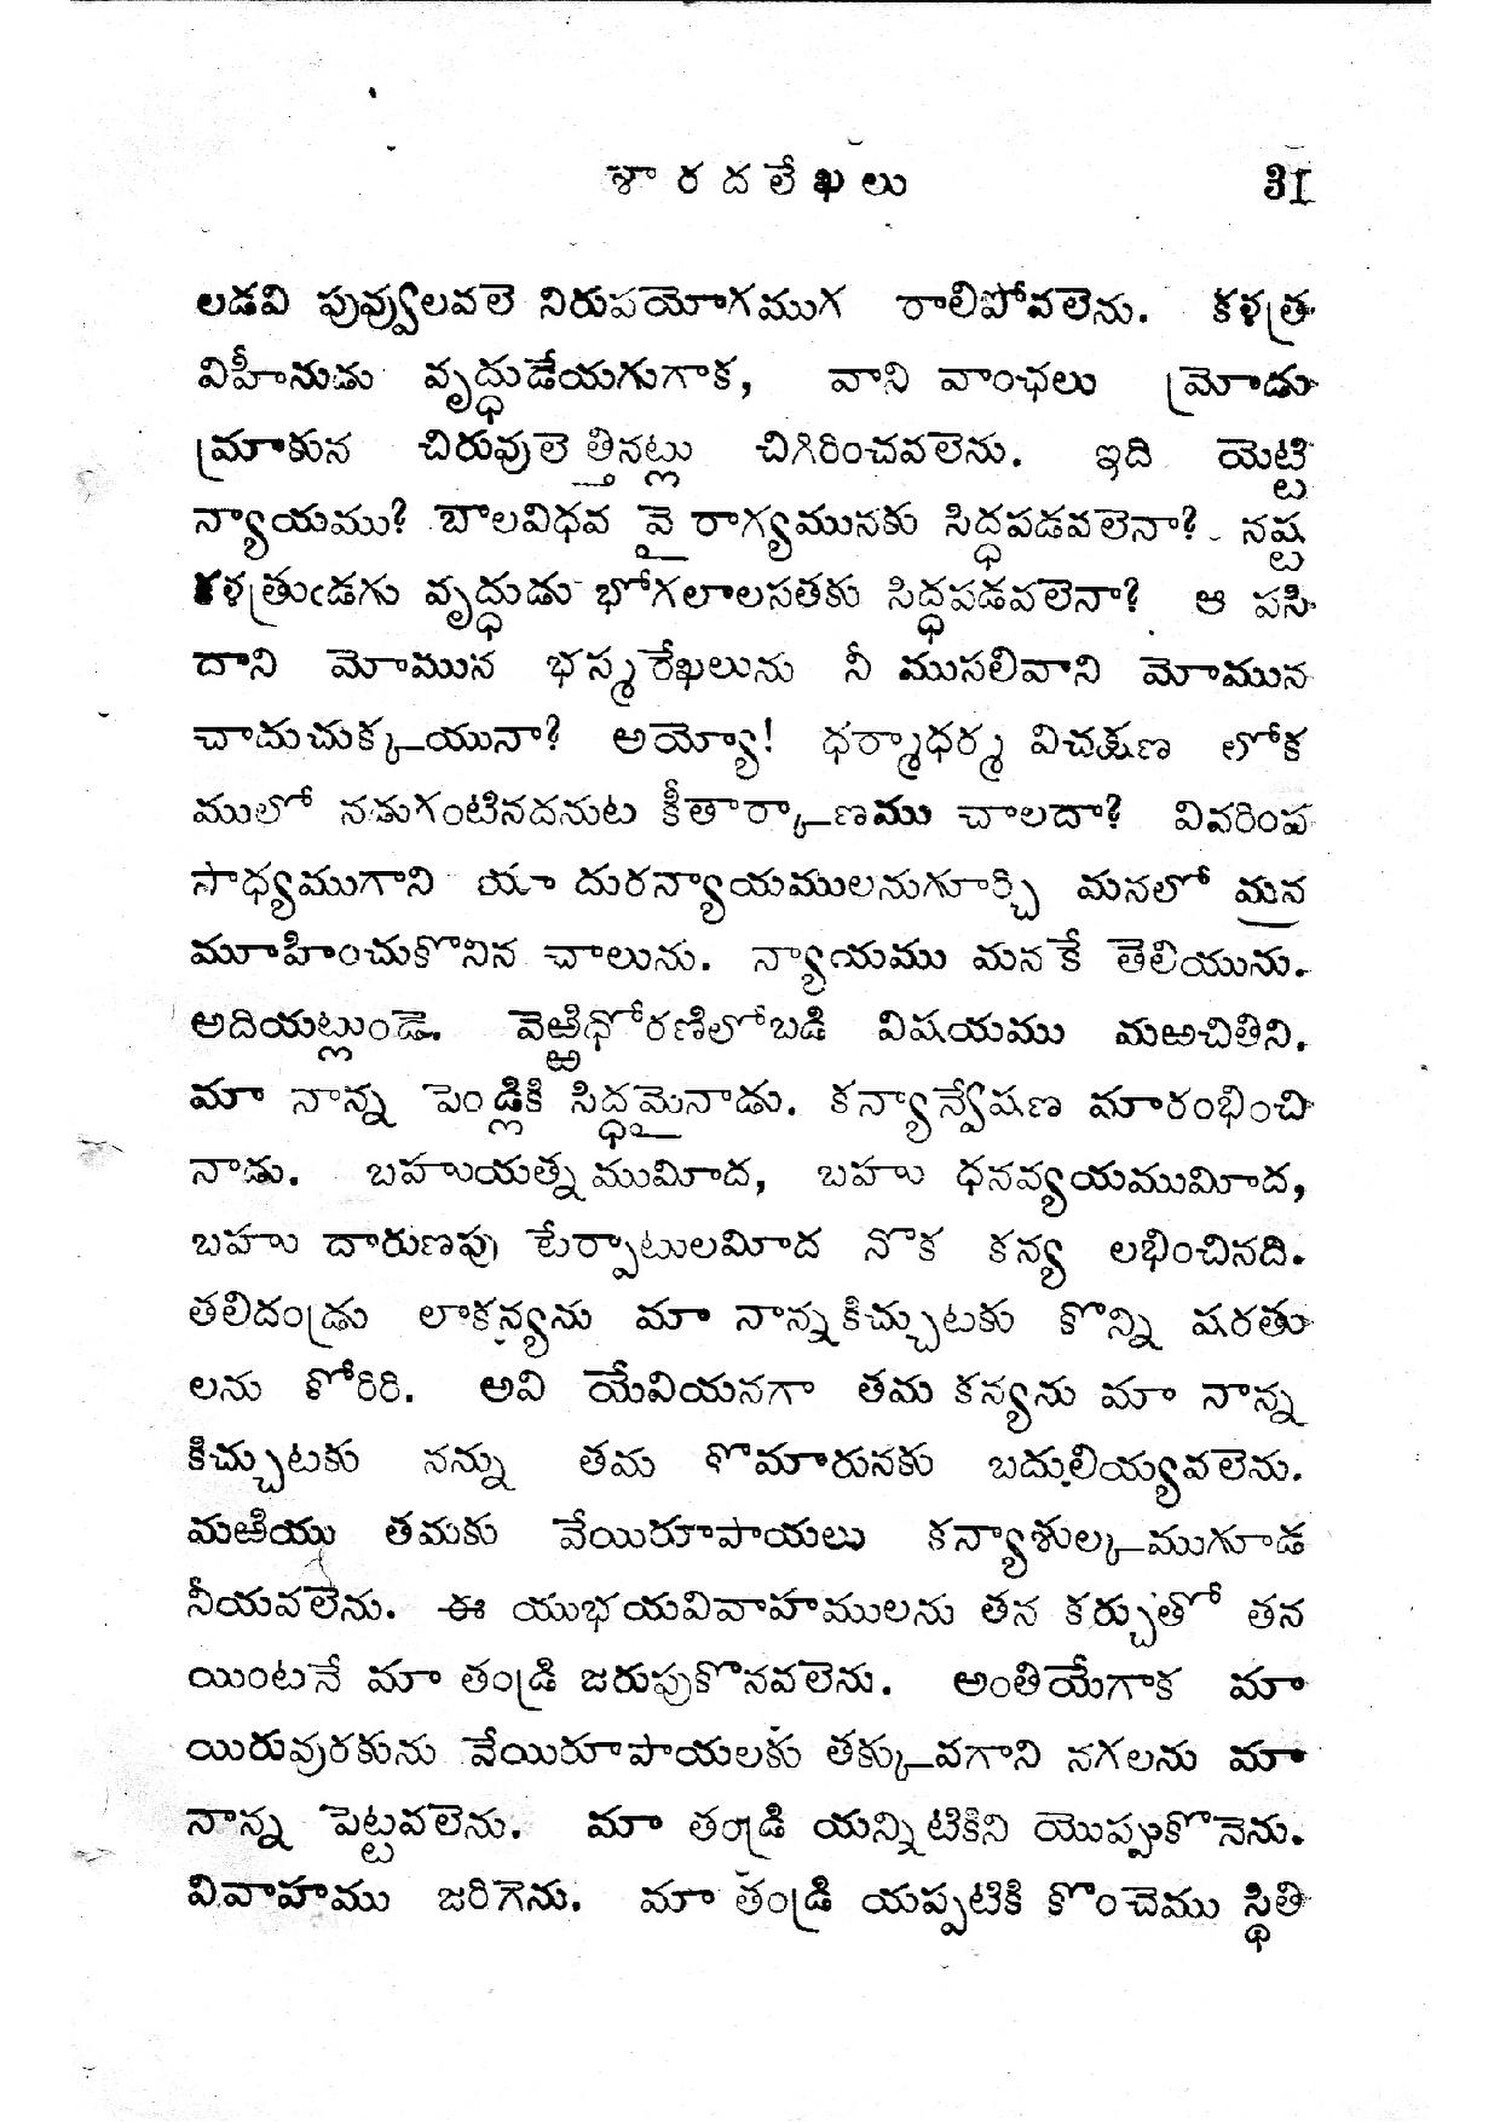లడవి పువ్వులవలె నిరుపయోగముగ రాలిపోవలెను. కళత్రవిహీనుడు వృద్ధుడేయగుగాక, వాని వాంఛలు మ్రోడు మ్రాకున చిరువులెత్తినట్లు చిగిరించవలెను. ఇది యెట్టి న్యాయము? బాలవిధవ వైరాగ్యమునకు సిద్ధపడవలెనా? నష్టకళత్రుఁడగు వృద్ధుడు భోగలాలసతకు సిద్ధపడవలెనా? ఆ పసిదాని మోమున భస్మరేఖలును నీ ముసలివాని మోమున చాదుచుక్క_యునా? అయ్యో! ధర్మాధర్మ విచక్షణ లోకములో నడుగంటినదనుట కీతార్కాణము చాలదా? వివరింప సాధ్యముగాని యా దురన్యాయములనుగూర్చి మనలో మన మూహించుకొనిన చాలును. న్యాయము మనకే తెలియును. అదియట్లుండె. వెఱ్ఱిధోరణిలోబడి విషయము మఱచితిని. మా నాన్న పెండ్లికి సిద్ధమైనాడు. కన్యాన్వేషణ మారంభించినాడు. బహుయత్నముమీద, బహు ధనవ్యయమువిూద, బహు దారుణపు టేర్పాటులమీద నొక కన్య లభించినది.
తలిదండ్రు లాకన్యను మా నాన్నకిచ్చుటకు కొన్ని షరతులను కోరిరి. అవి యేవియనగా తమ కన్యను మా నాన్న కిచ్చుటకు నన్ను తమ కొమారునకు బదులియ్యవలెను. మఱియు తమకు వేయిరూపాయలు కన్యాశుల్కముగూడ నీయవలేను. ఈ యుభయవివాహములను తన కర్చుతో తన యింటనే మా తండ్రి జరుపుకొనవలెను. అంతియేగాక మా యిరువురకును వేయిరూపాయలకు తక్కువగాని నగలను మా నాన్న పెట్టవలెను. మా తండ్రి యన్నిటికిని యొప్పుకొనెను. వివాహము జరిగెను. మా తండ్రి యప్పటికి కొంచెము స్థితి